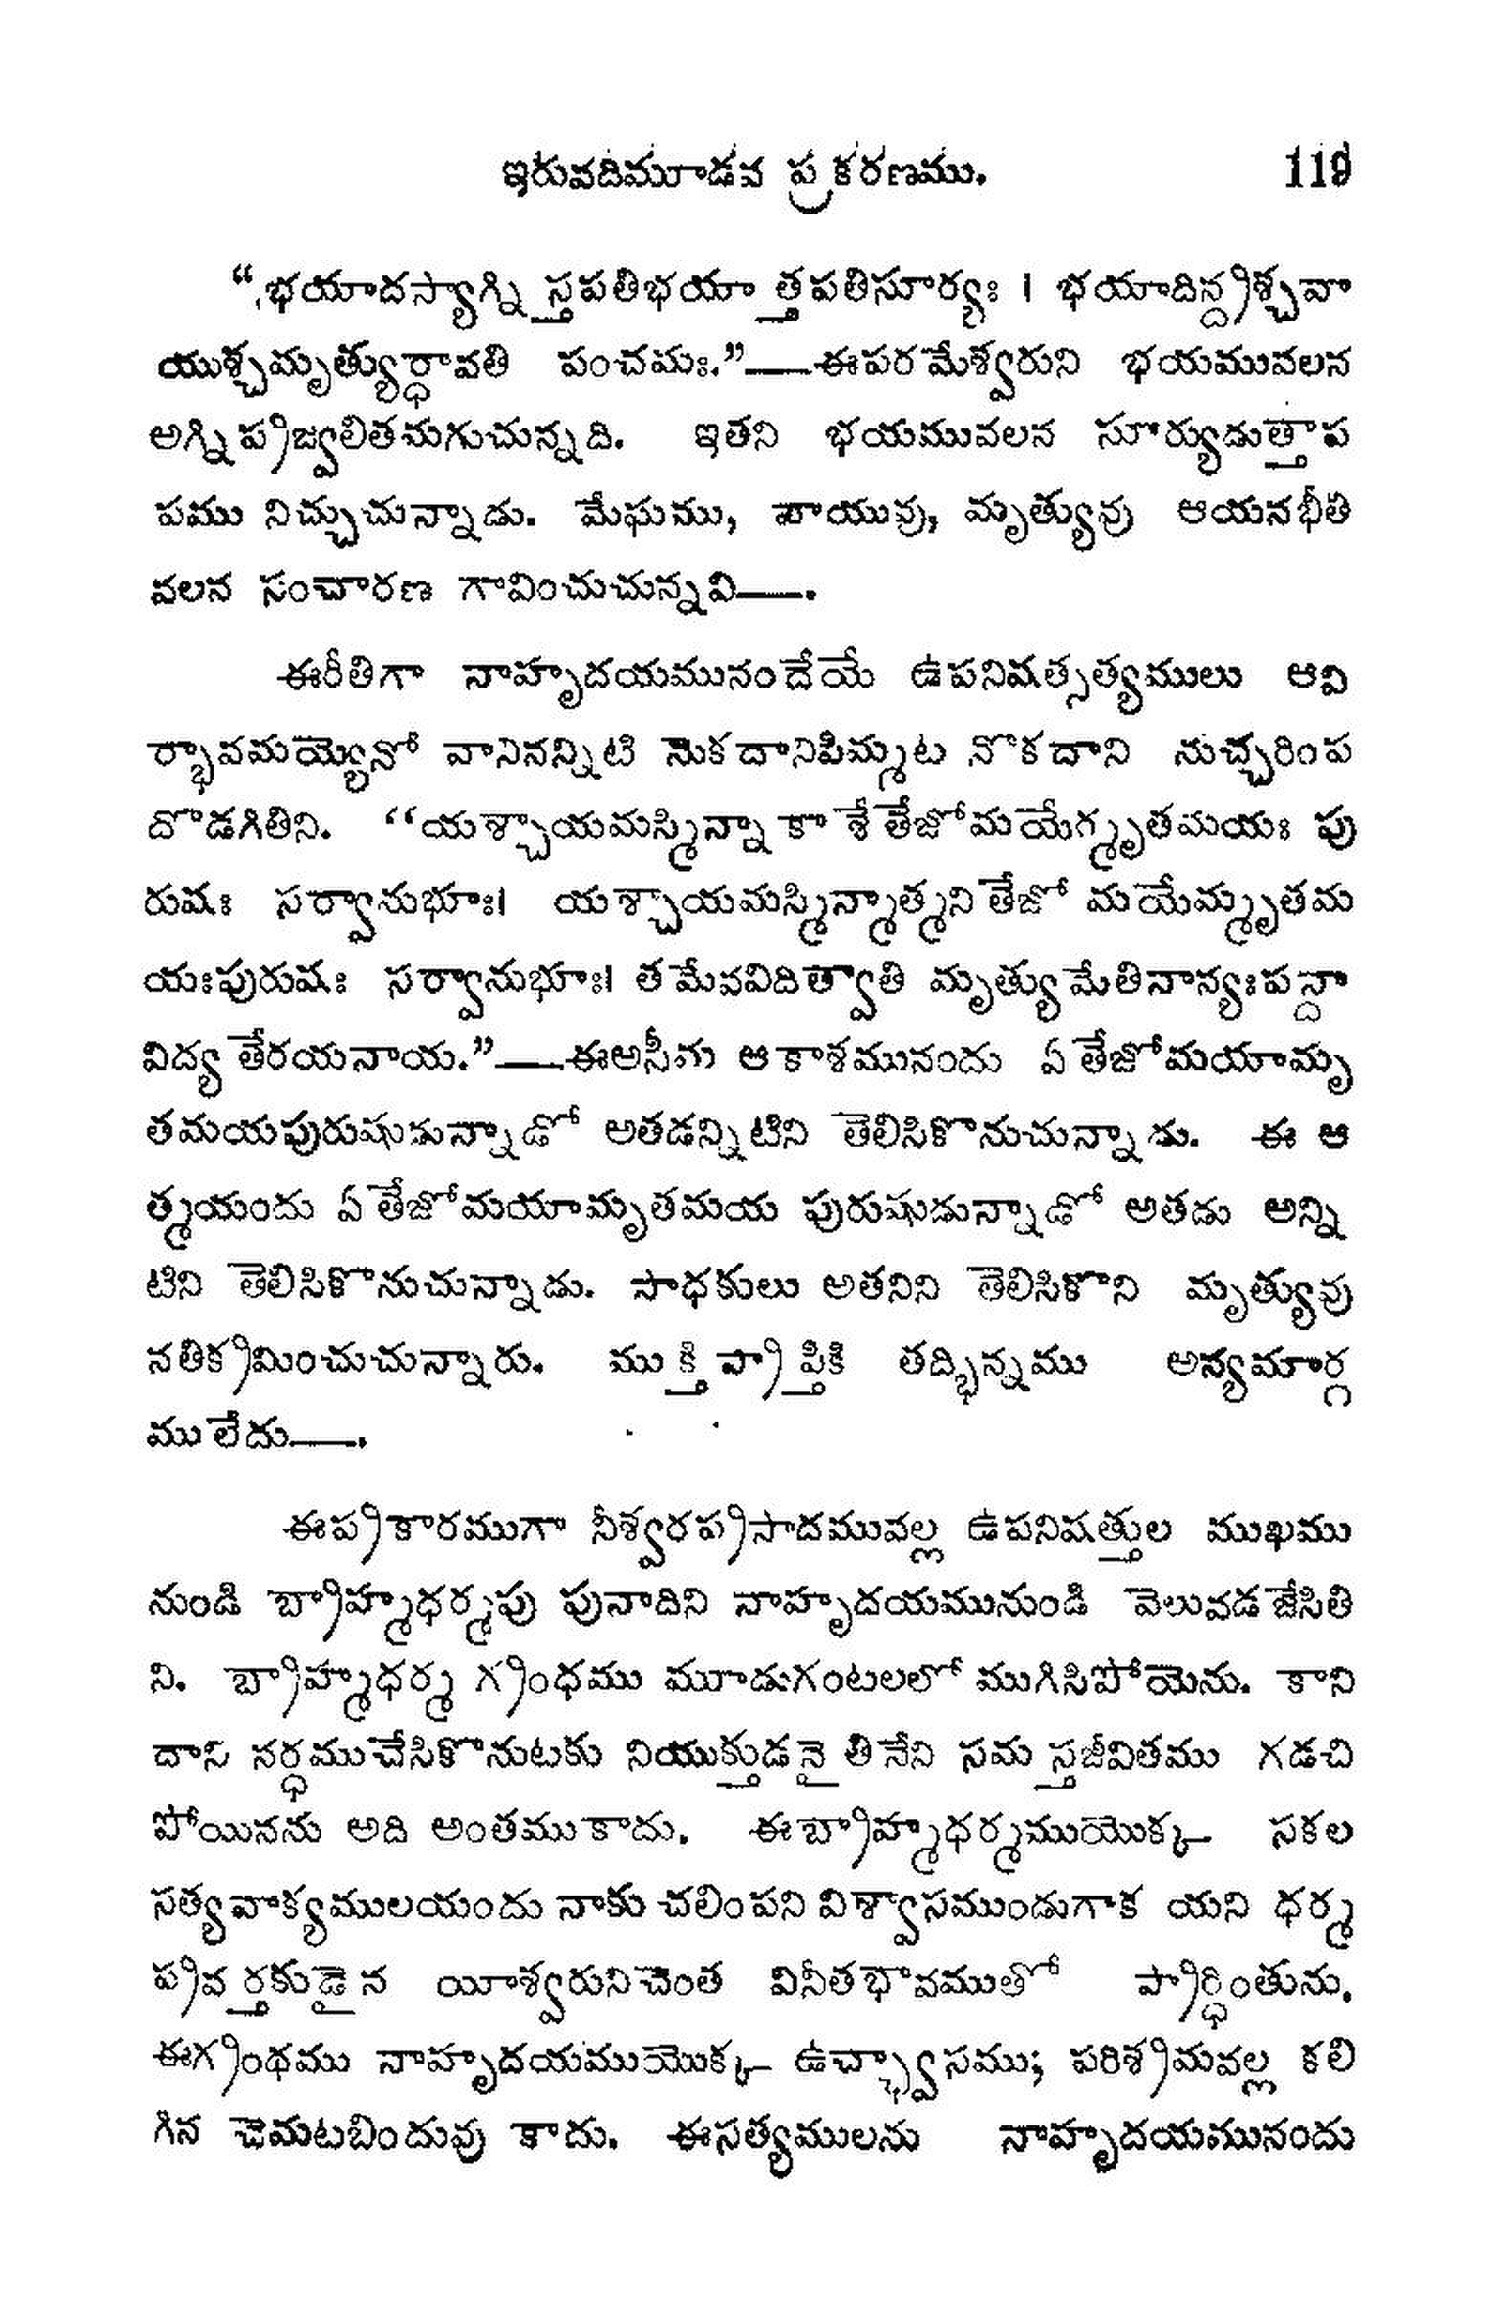"భయాందస్యాగ్ని స్తుతీభయాత్తపతీసూర్యః | భయాడిస్ట్రశ్చవాయుశ్చ
మృత్యుర్ధావతిర్దావతి పంచమః.” – ఈపరమేశ్వరుని భయమువలన
అగ్ని ప్రజ్వలిత మగుచున్నది. ఇతని భయమువలన సూర్యుడుత్తాపపము నిచ్చుచున్నాడు. 'మేఘము, వాయువు, మృత్యువు ఆయన భీతి
వలన సంచారణ గావించుచున్నవి.

ఈరీతిగా నాహృదయమునం దేయే ఉపనిషత్సత్యములు ఆవి
ర్భావమయ్యెనో వానినన్నిటి ఒక దానిపిమ్మట నొక దాని సుచ్చరింప
దొడగితిని. “యశ్చాయమస్మిన్నాకాశే తేజోమయేగ్మృతమయః పు
రుషః సర్వానుభూః| యశ్చాయమస్మిన్మాత్మని తేజో మయేర్మృతమః
యఃపురుషః సర్వానుభూః! తమేవవిదిత్వాతి మృత్యు మేలినాన్య 
పందా”విద్య తేరయనాయ.” ఈ ఆసీను ఆ కాశమునందు 
ఏ తేజోమయామృతమయపురుషుడున్నాడో అతడన్నిటిని తెలిసికొను
చున్నారు. ఈ ఆత్మయందు ఏ తేజోమయామృతమయ పురుషుడున్నాడో 
అతడు అన్నిటీని తెలిసికొనుచున్నాడు. సాధకులు అతనిని తెలిసికొని 
మృత్యువు నతిక్రమించు చున్నారు. ముక్తి ప్రాప్తికి తద్భిన్నము 
అన్యమార్గములేదు---.

ఈ ప్రకారముగా నీశ్వరప్రసాదమువల్ల ఉపనిషత్తుల ముఖము
'బాహ్మధర్మపు పునాదిని నాహృదయము నుండి వెలువడ జేసితిని, 
'బాహ్మధర్మ గ్రంధము మూడుగంటలలో ముగిసిపోయెను. కాని
దాస్ సర్ధముచేసికొనుటకు నియుక్తుడ నైతి నేని సమస్త జీవితము 
గడచి పోయినను అది అంతము కాదు. ఈ బాహ్మధర్మము యొక్క సకల
సత్య వాక్యములయందు నాకు చలింపని విశ్వాసముండు గాక యని 
ధర్మప్రవర్తకుడైన యీశ్వరుని చెంత వినీత భావముతో ప్రార్థింతును,
ఈగ్రంథము నాహృదయము యొక్క ఉచ్ఛ్వాసము; పరిశ్రమవల్ల 
కలిగిన చెమట బిందువు కాదు. ఈసత్యములను నాహృదయము నందు